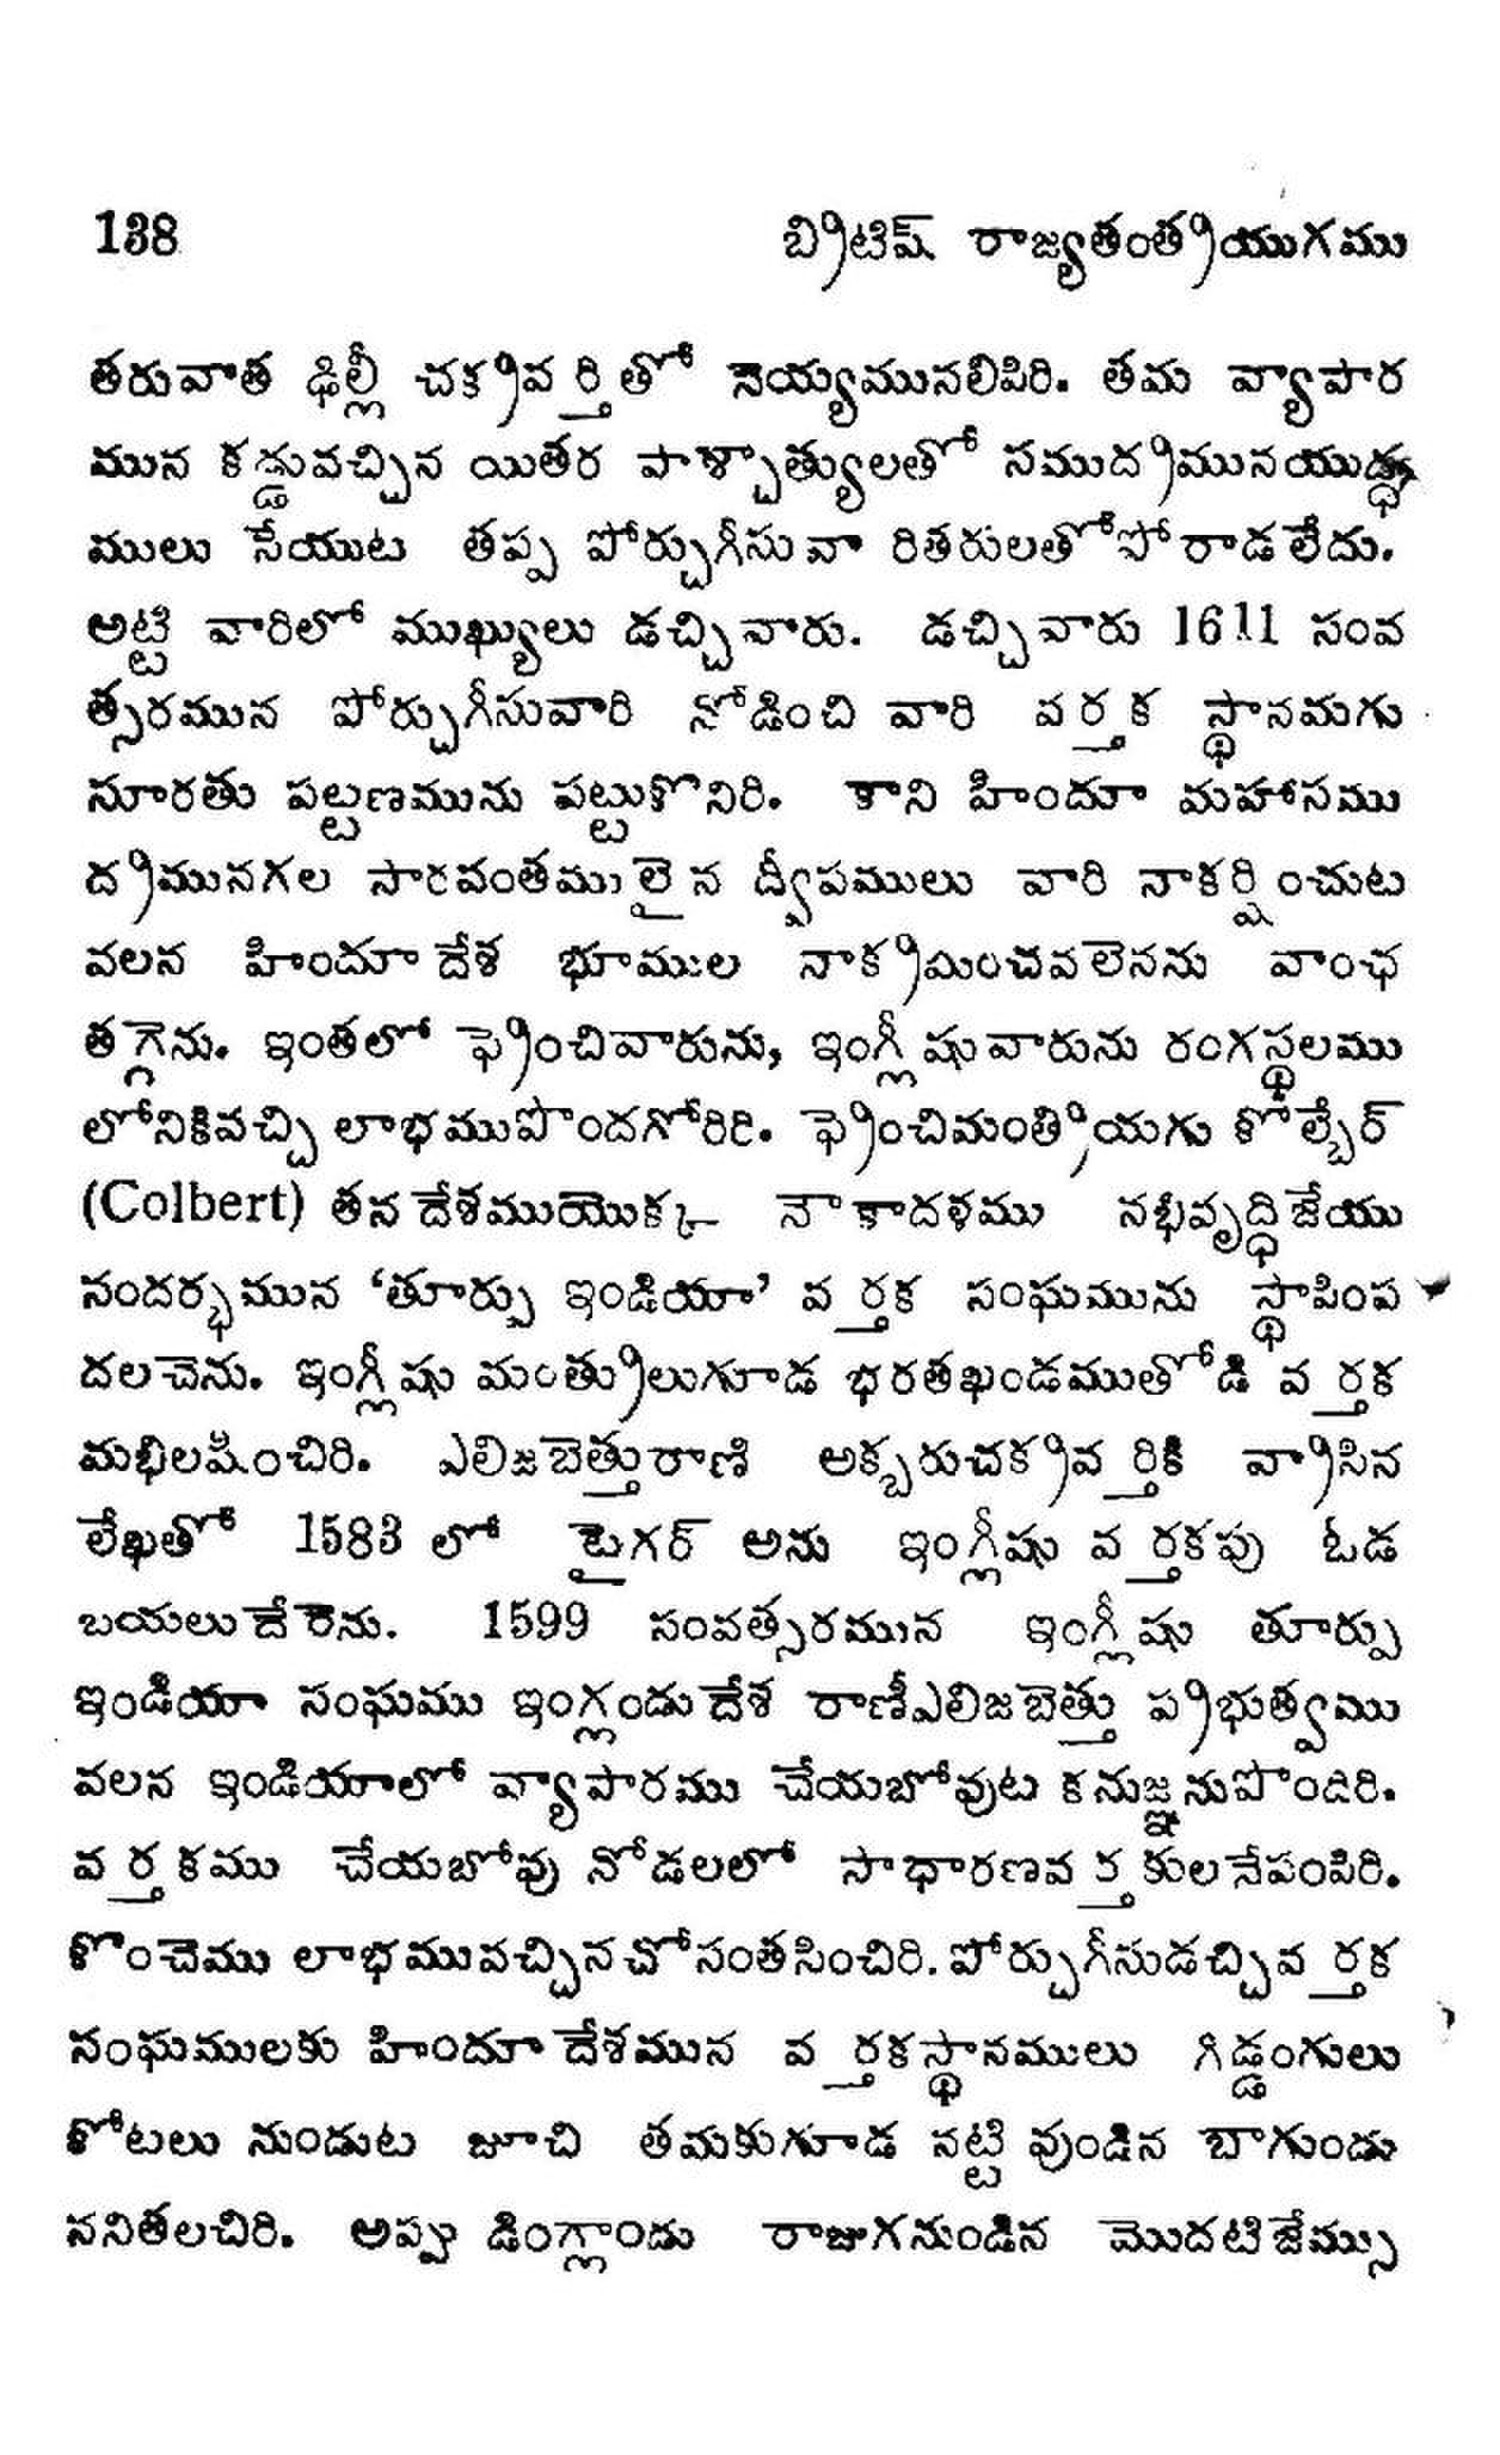తరువాత ఢిల్లీ చక్రవర్తితో నెయ్యముసలిపిరి. తమ వ్యాపారమున కడ్డువచ్చిన యితర పాశ్చాత్యులతో సముద్రమున యుద్ధములు సేయుట తప్ప పోర్చుగీసువా రితరులతో పోరాడలేదు. అట్టి వారిలో ముఖ్యులు డచ్చివారు. డచ్చివారు 1611 సంవత్సరమున పోర్చుగీసువారి నోడించి వారి వర్తక స్థానమగు సూరతు పట్టణమును పట్టుకొనిరి. కాని హిందూ మహాసముద్రమునగల సారవంతములైన ద్వీపములు వారి నాకర్షించుట వలన హిందూదేశ భూముల నాక్రమించవలెనను వాంఛ తగ్గెను. ఇంతలో ఫ్రెంచివారును, ఇంగ్లీషువారును రంగస్థలములోనికివచ్చి లాభముపొందగోరిరి. ఫ్రెంచిమంత్రియగు కోల్బెర్ట్ (Colbert) తనదేశముయొక్క నౌకాదళము నభివృద్ధిజేయు సందర్భమున 'తూర్పు ఇండియా' వర్తక సంఘమును స్థాపింపదలచెను. ఇంగ్లీషు మంత్రులుగూడ భరతఖండముతోడి వర్తక మభిలషించిరి. ఎలిజబెత్తురాణి అక్బరుచక్రవర్తికి వ్రాసిన లేఖతో 1583 లో టైగర్ అను ఇంగ్లీషు వర్తకపు ఓడ బయలుదేరెను. 1599 సంవత్సరమున ఇంగ్లీషు తూర్పు ఇండియా సంఘము ఇంగ్లండుదేశ రాణీఎలిజబెత్తు ప్రభుత్వము వలన ఇండియాలో వ్యాపారము చేయబోవుట కనుజ్ఞనుపొందిరి. వర్తకము చేయబోవు నోడలలో సాధారణవర్తకుల నేపంపిరి. కొంచెము లాభమువచ్చినచోసంతసించిరి. పోర్చుగీసుడచ్చివ ర్తక సంఘములకు హిందూదేశమున వర్తకస్థానములు గిడ్డంగులు కోటలు నుండుట జూచి తమకుగూడ నట్టి వుండిన బాగుండుననితలచిరి. అప్పు డింగ్లాండు రాజుగనుండిన మొదటిజేమ్సు